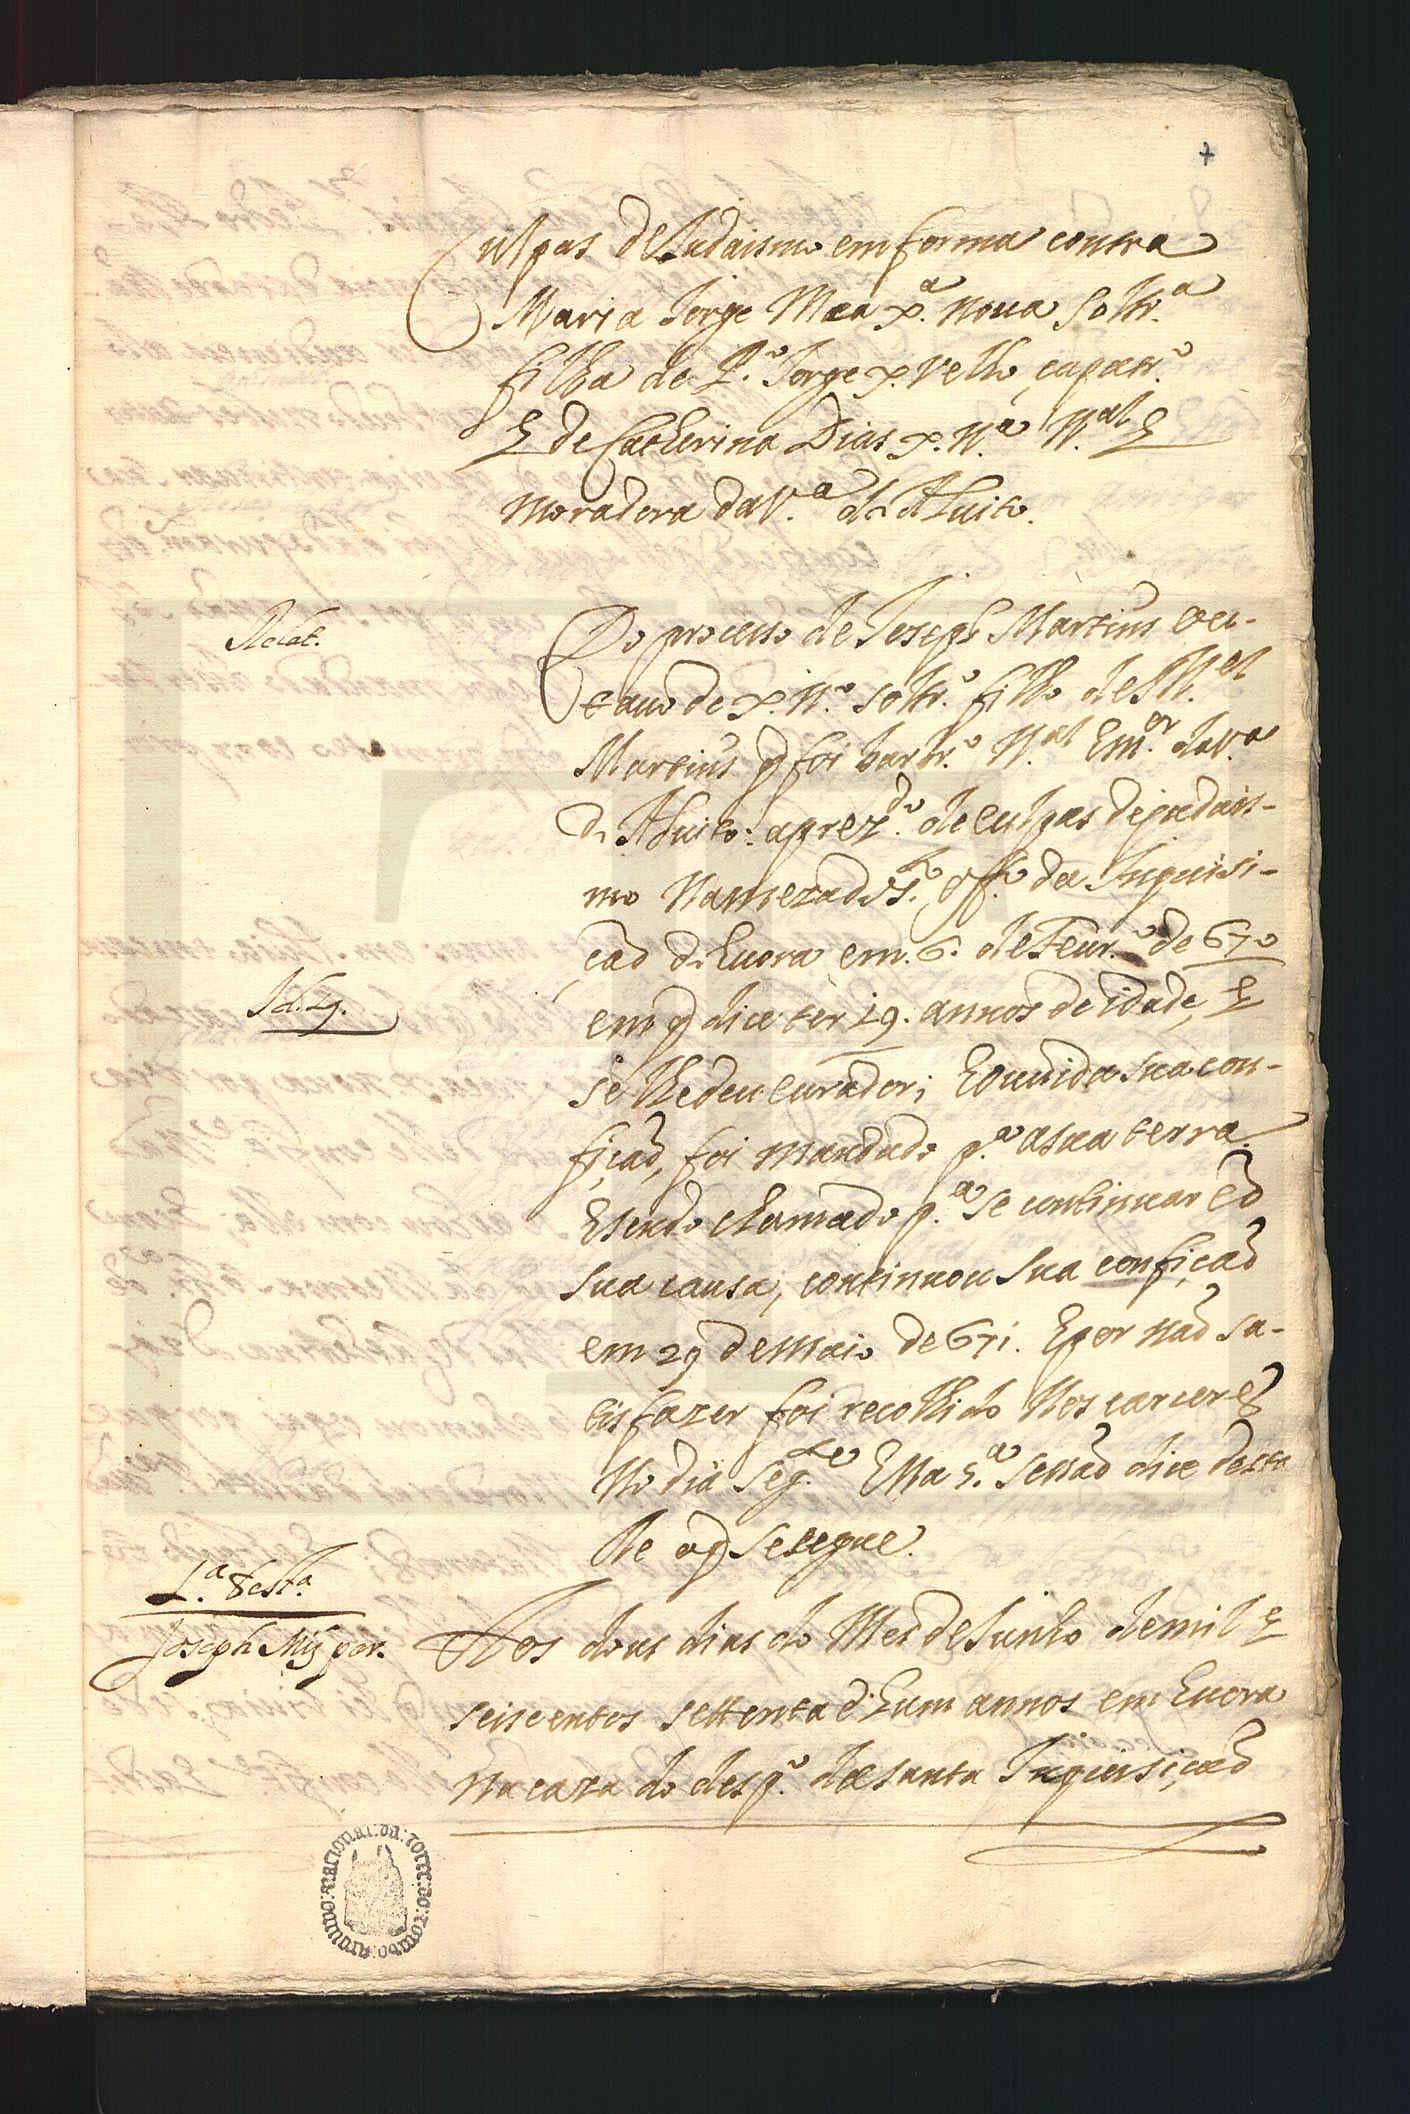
Culpas de Iudaismo em forma contra
Maria Iorge Mea x.a noua soltr.a
filha do P.o Iorge x. velho çapatr.o
E de Catherina Dias x. n.a nal E
moradora da V.a de Aluito.
Do processo de Iozeph Martin̄s ou
Relat.
tauo de x. n.o soltr.o filho de M.el
Martin̄s q̄ foi barbr.o N.al E m.or da V.a
de Aluito: aprez.do de culpas de judais
mo na meza do s.to off.o da Inquisi
çaõ de Euora em. 6. de Feur.o de 670
em q̄ dice ter i9. annos de idade, E
Id.19.
se lhe deu curador; E ouuida sua con
fiçaõ, foi mandado p.a a sua terra.
E sendo chamado p.a se continuar cō
sua causa, continuou sua confiçaõ
em 29 de maio de 67i. E per naõ sa
tisfazer foi recolhido Nos carceres
No dia seg.te E Na 5.a Sessaõ dice desta
Re o q̄ se segue.
1.a test.a
Joseph Miz̄ por.
Aos dous dias do Mes de Iunho de mil E
seiscentos settenta e hum annos em Euora
na casa do desp.o da santa Inquisiçaõ
